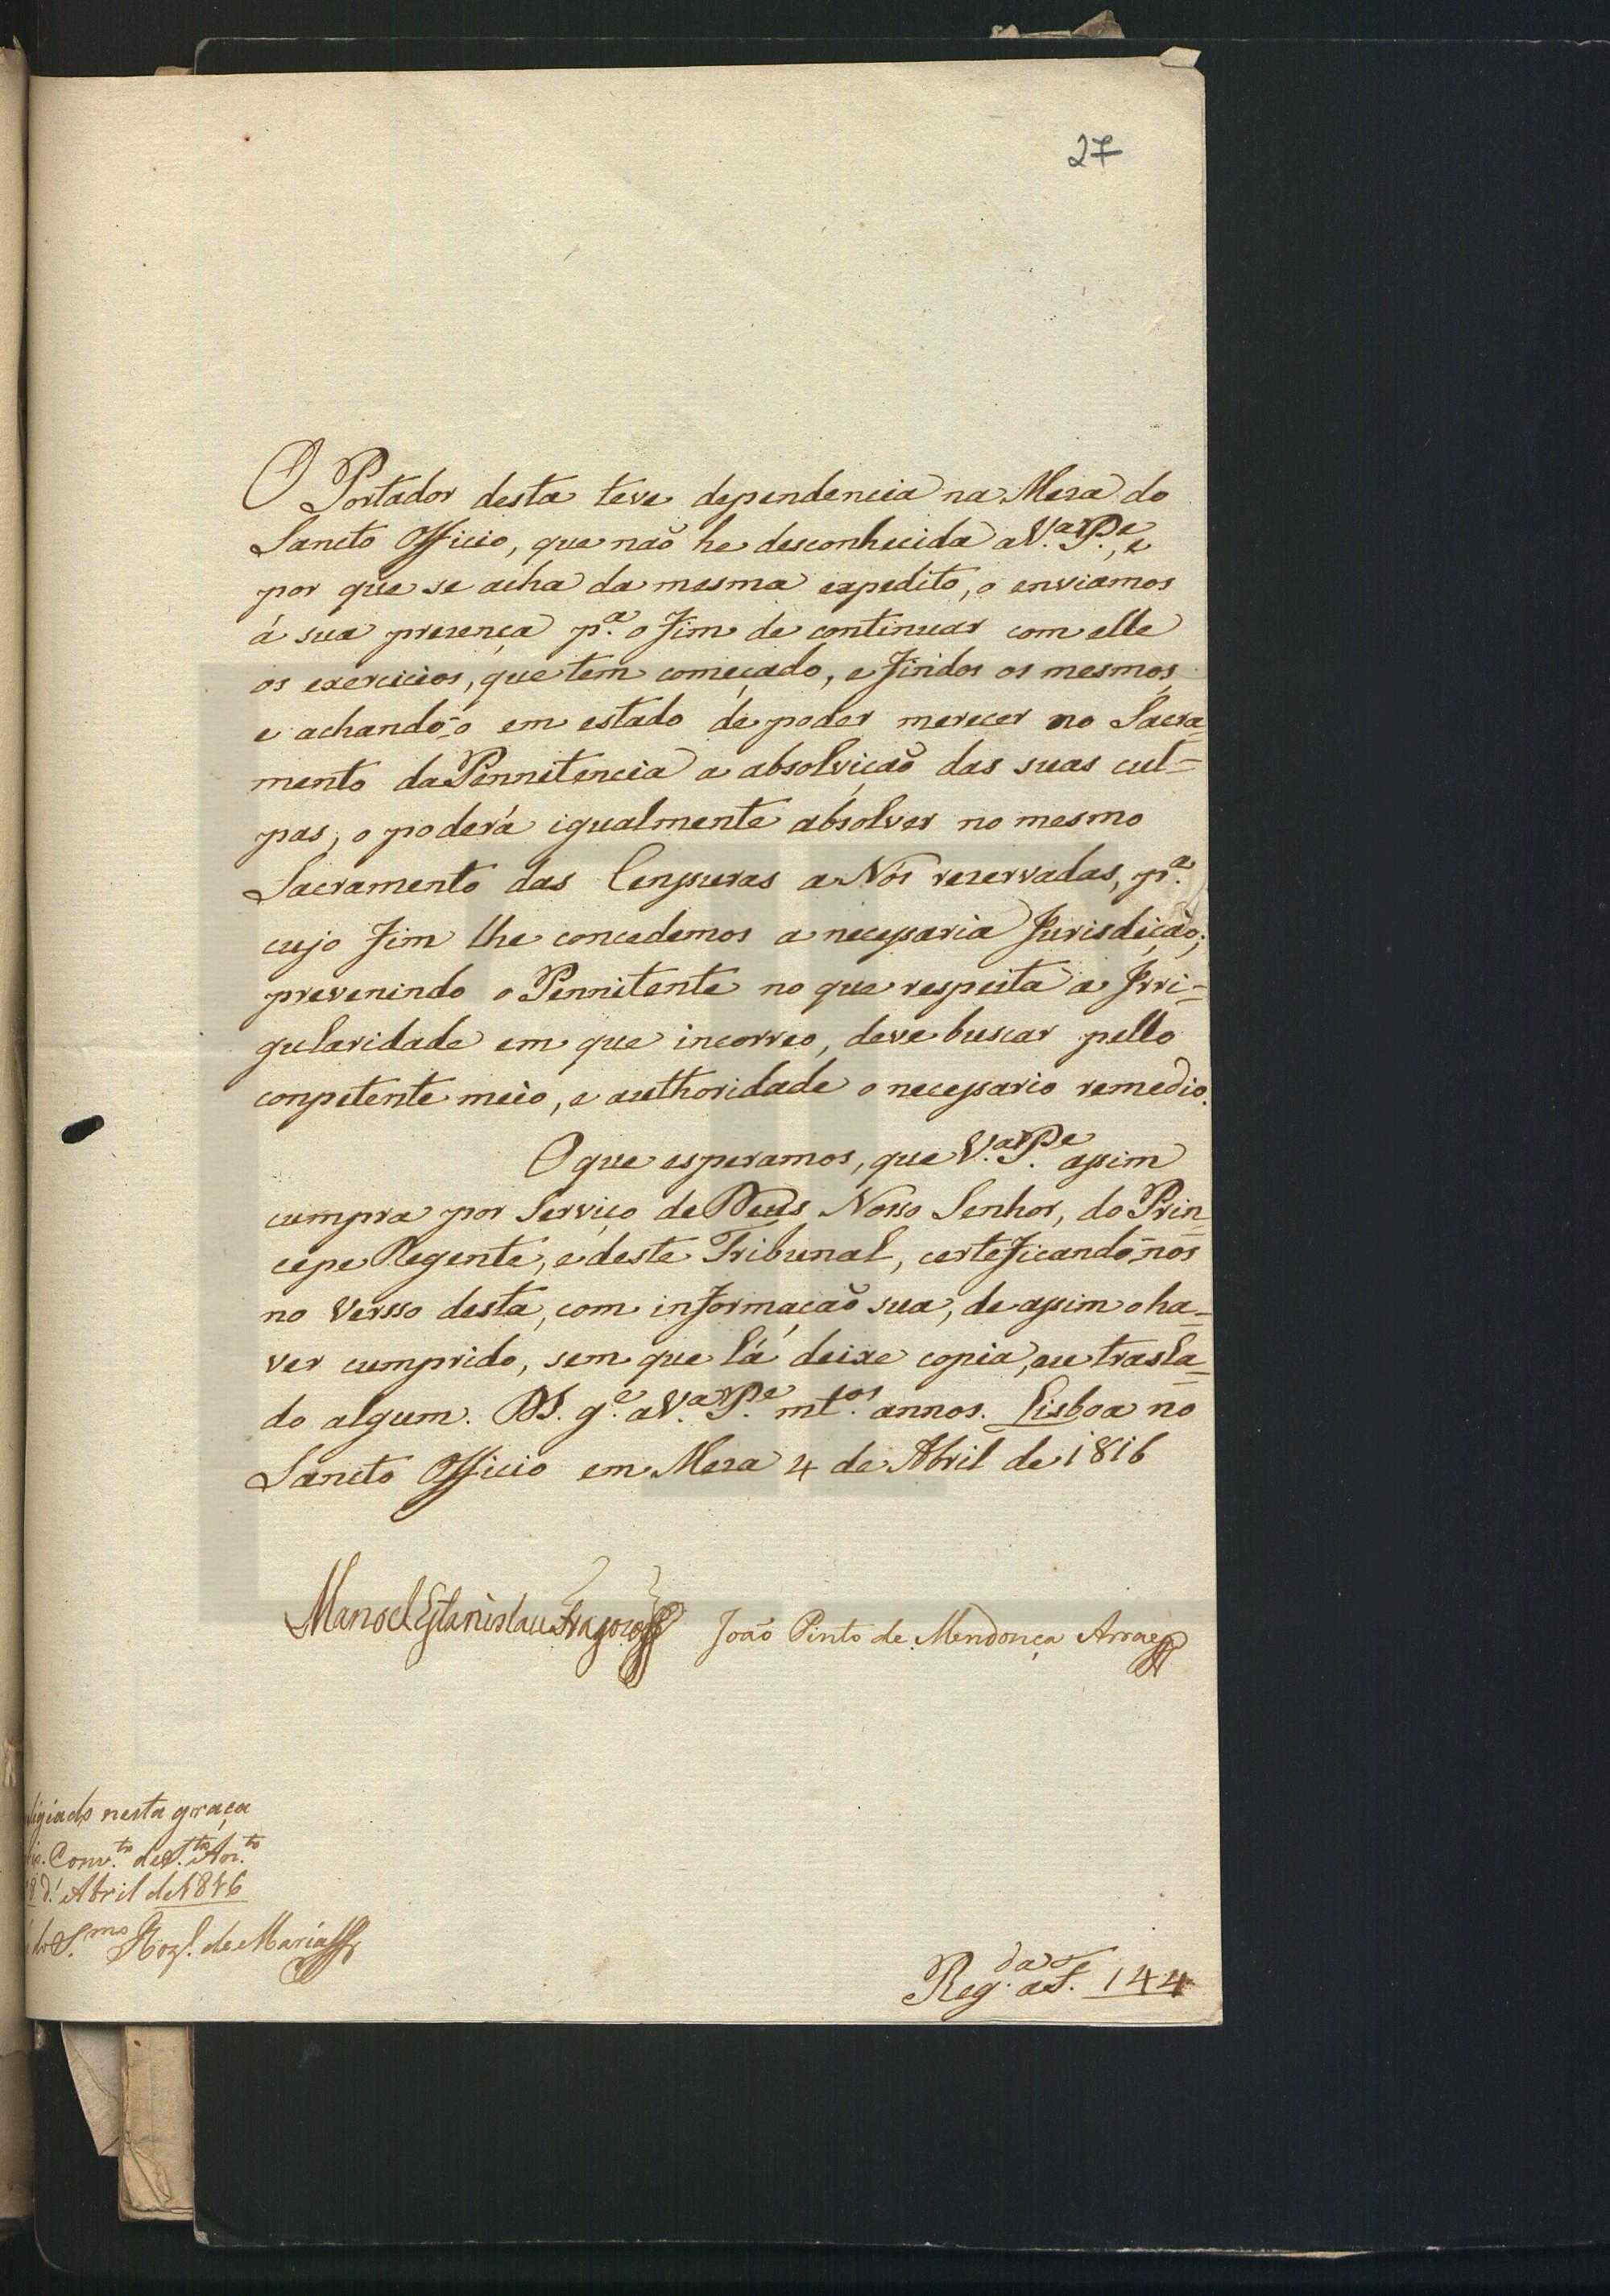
igiado nesta graça
Conv.to de S.to An.to
8 d.'Abril de 1816
do S.mo Roz.o de Maria
O Portador desta teve dependencia na Meza do
Sancto Officio, que naõ he desconhecida a V.a P.a, e
por que se acha da mesma expedito, o enviamos
á sua prezença p.a o fim de continuar com elle
os exercicios, que tem começado, e findos os mesmos
e achandó-o em estado de poder merecer no Sacra
mento da Pennitencia a absolviçaõ das suas cul
pas, o poderá igualmente absolver no mesmo
Sacramento das Censsuras a Nós rezervadas, p.a
cujo fim lhe concedemos a necessaria Jurisdiçaõ,
prevenindo o Pennitente no que respeita a Jrri
gularidade em que incorreo, deve buscar pello
conpetente meio, e authoridade o necessario remedio
O que esperamos, que V.a P.e assim
cumpra por Serviço de Deus Nosso Senhor, do Prin
cipe Regente, e deste Tribunal, certeficando nos
no versso desta, com informaçaõ sua, de assim o ha
ver cumprido, sem que lá deixe copia, ou trasla
do algum. DS. g.e a V.a P.e mt.os annos. Lisboa no
Sancto Officio em Meza 4 de Abril de i8i6
Manoel Estanislau Fragozo Joaõ Pinto de Mendonça Arraes
Reg.da a F. 144
